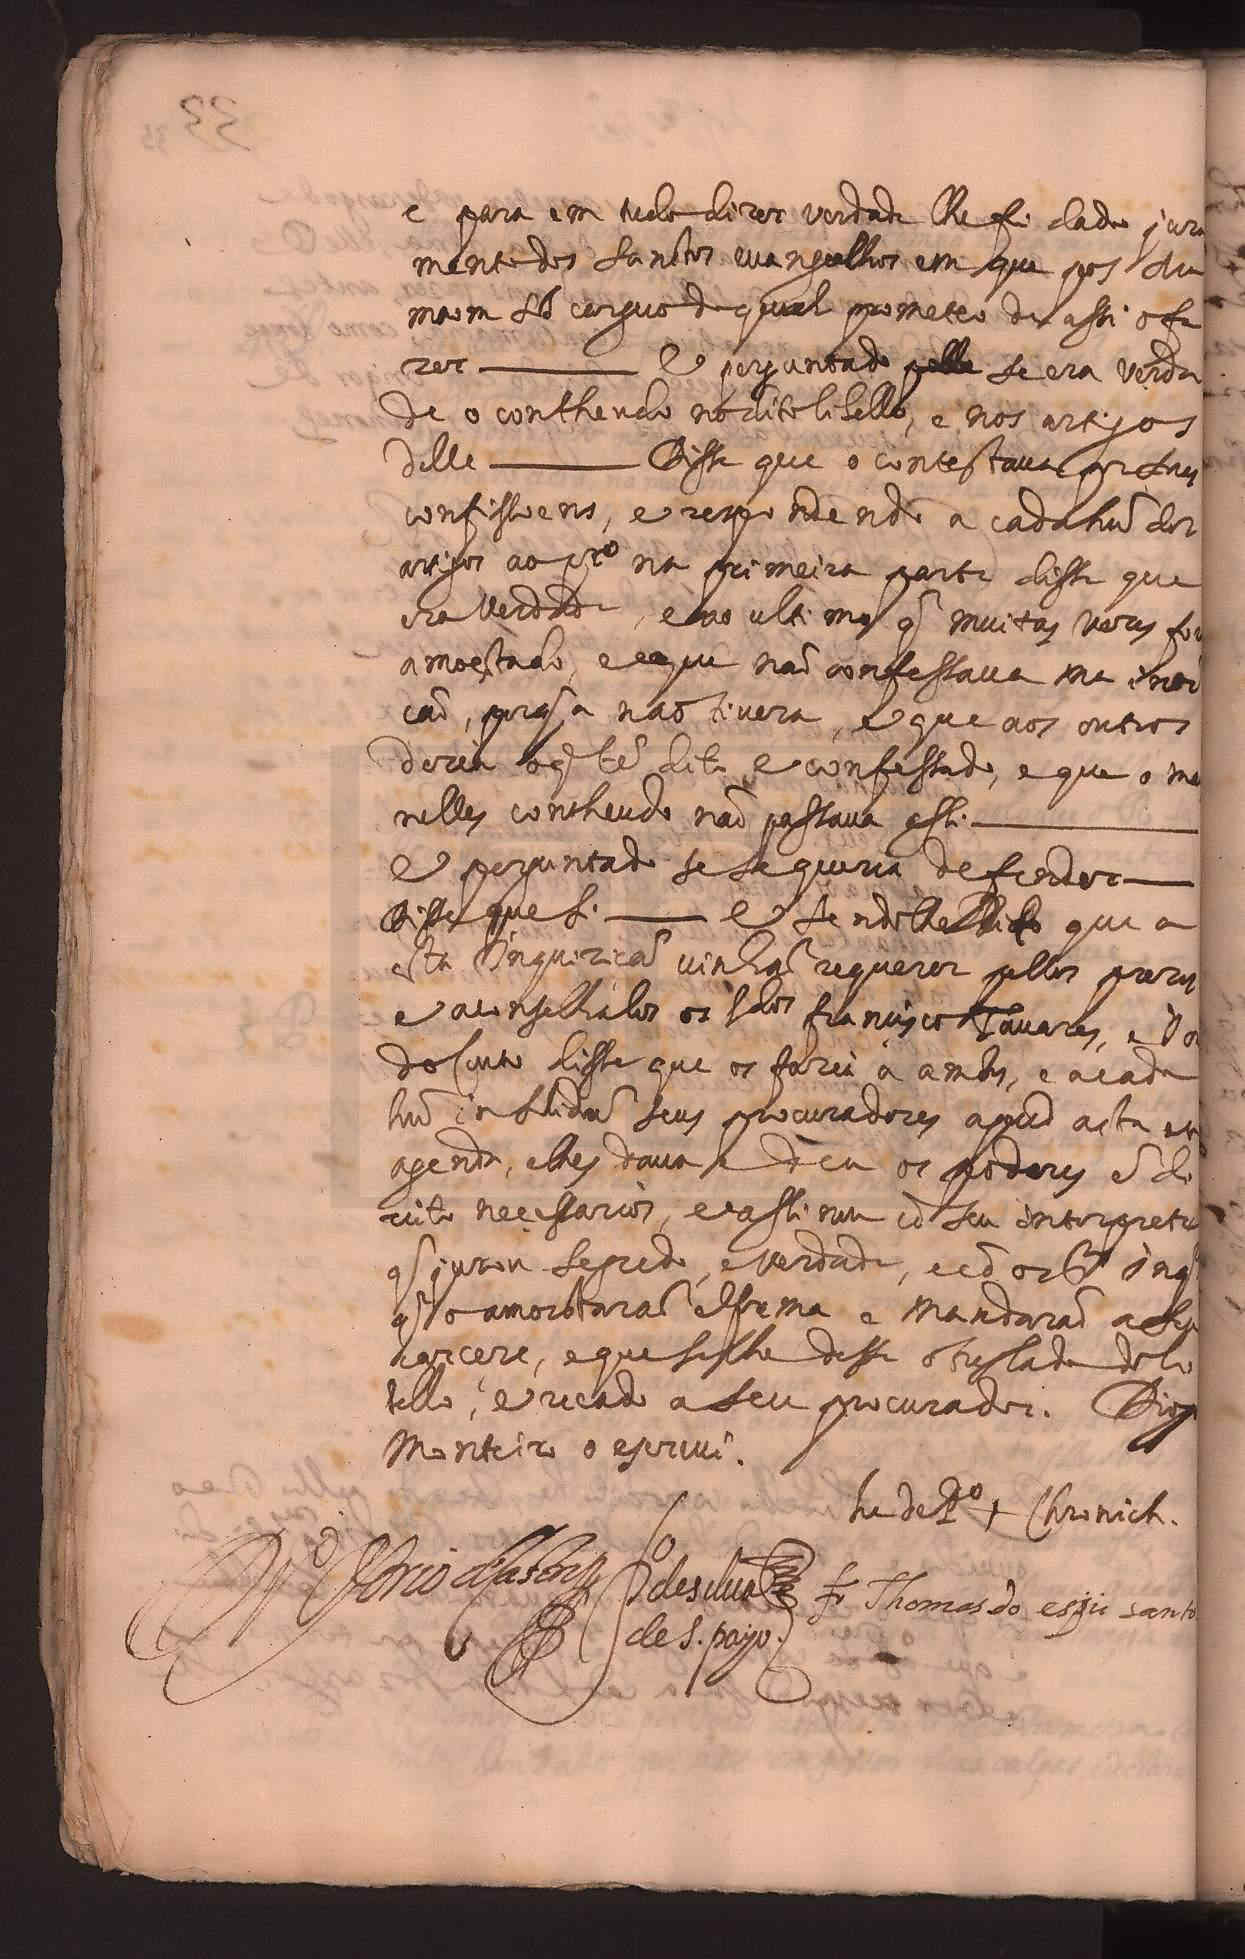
e para em tudo dizer verdade lhe foi dado jura
mento dos sanctos euangelhos em que pos sua
maom sob carguo do qual prometeo de assi o fa
zer
E perguntado pella se era verda
de o contheudo no dito libello, e nos artigos
delle
Disse que o contestaua por tres
confissoens, e respondendo a cada hū dos
artigos ao pro na primeira parte disse que
era uerdade, e ao ultimo q̄ muitas uezes foi
amoestado, e _ que naõ confessaua ma inte
çaõ, porq̄ a não tiuera, e que aos outros
dizia o q̄ tē dito e confessado, e que o me
nelles contheudo naõ passaua assi
e perguntado se se queria defender
Disse que si - e sendolhe dito que a
esta Inquiziçaõ uinhā requerer pellos prezos
e aconselhados os Ldos francisco Tauares, e Io
do Couto disse que os fazia a ambos, e a cada
hū in solidum seus procuradores apud acta in
agenda, e lhes daua e deu os poderes e di
reito necessarios, e assi nem cō seu interprete
q̄ jurou segredo, e uerdade, e cō os sres Inq
q̄ o amoestaraõ ē forma e mandaraõ a seu
carçere, e que se lhe disse o treslado do li
bello, e recado a seu procurador. Diog
Monteiro o escreui.
he de Po + Chronich.
Dio Osorio d Castro
Po de silua
de s. payo.
f̄r Thomas do espü santo
